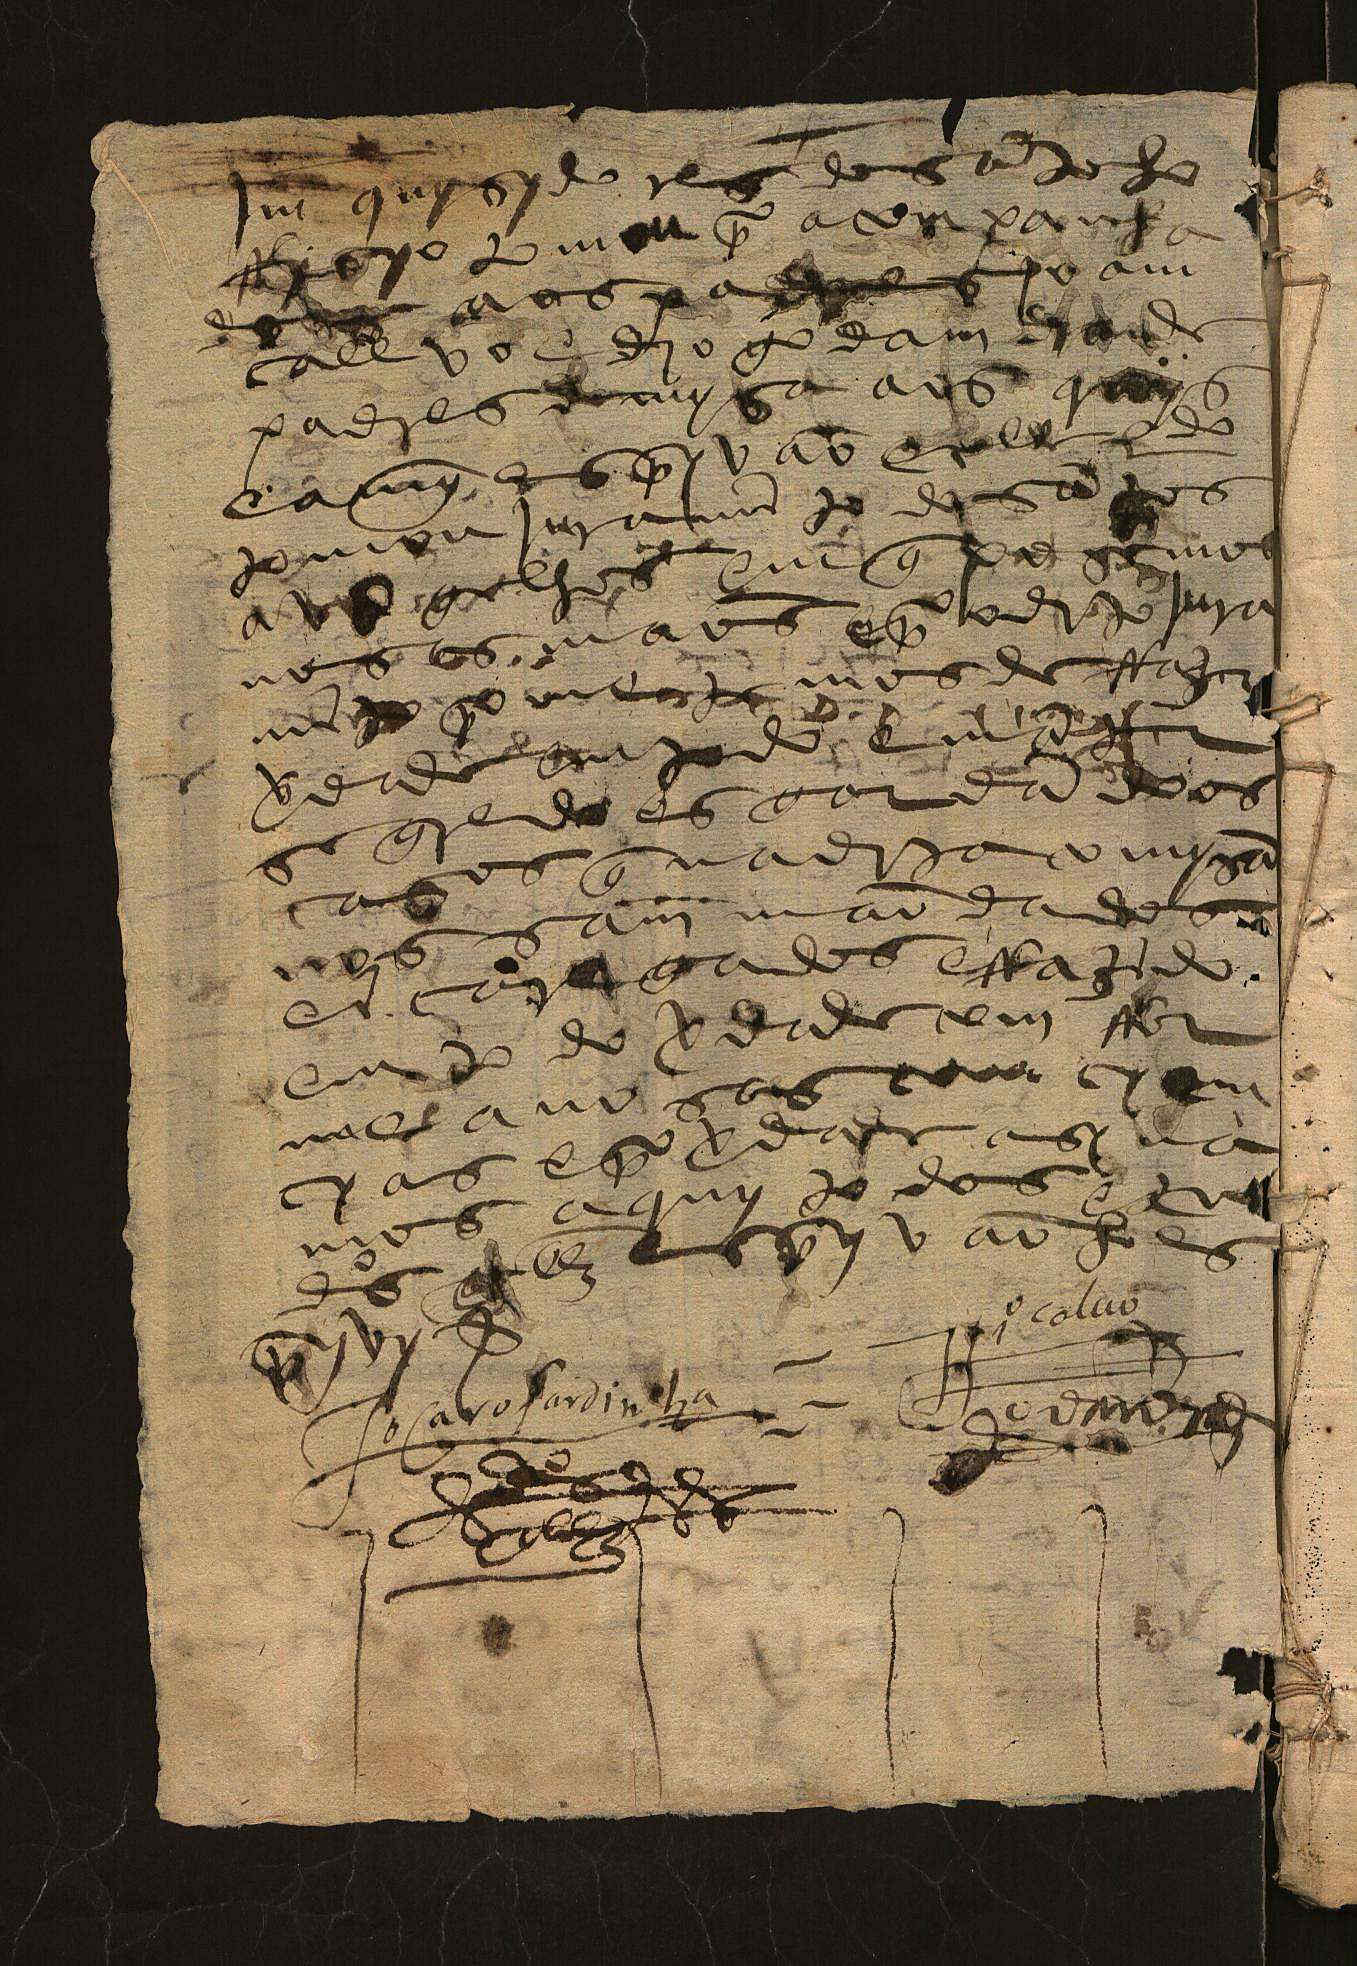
Jmquysydores do sāto ho
fycyo tomou p̄o a companha
dores aos padres joam
callvo djogo damdrade
padres de mysa aos quays
e a mȳ Esp̄yvaõ e ele Ldo
tomou Juramēto do sātos
avāgelhos em q̄ posemos
nosas maõs e p̄o o djto Jura
mēto p̄ometemos de ffazer
ꝟdade em todo e māter
segredo esgardādo os
casos q̄ na djta comysā
nos sam mãodados
e ēcaregados e ffazēdo.
em todo ꝟdade comffor
me a nosas comcyem
cyas e p̄o ꝟdade asyna
mos aquy todos e Eu
dos gll̄z esp̄yvão ho es
p̄yvy
